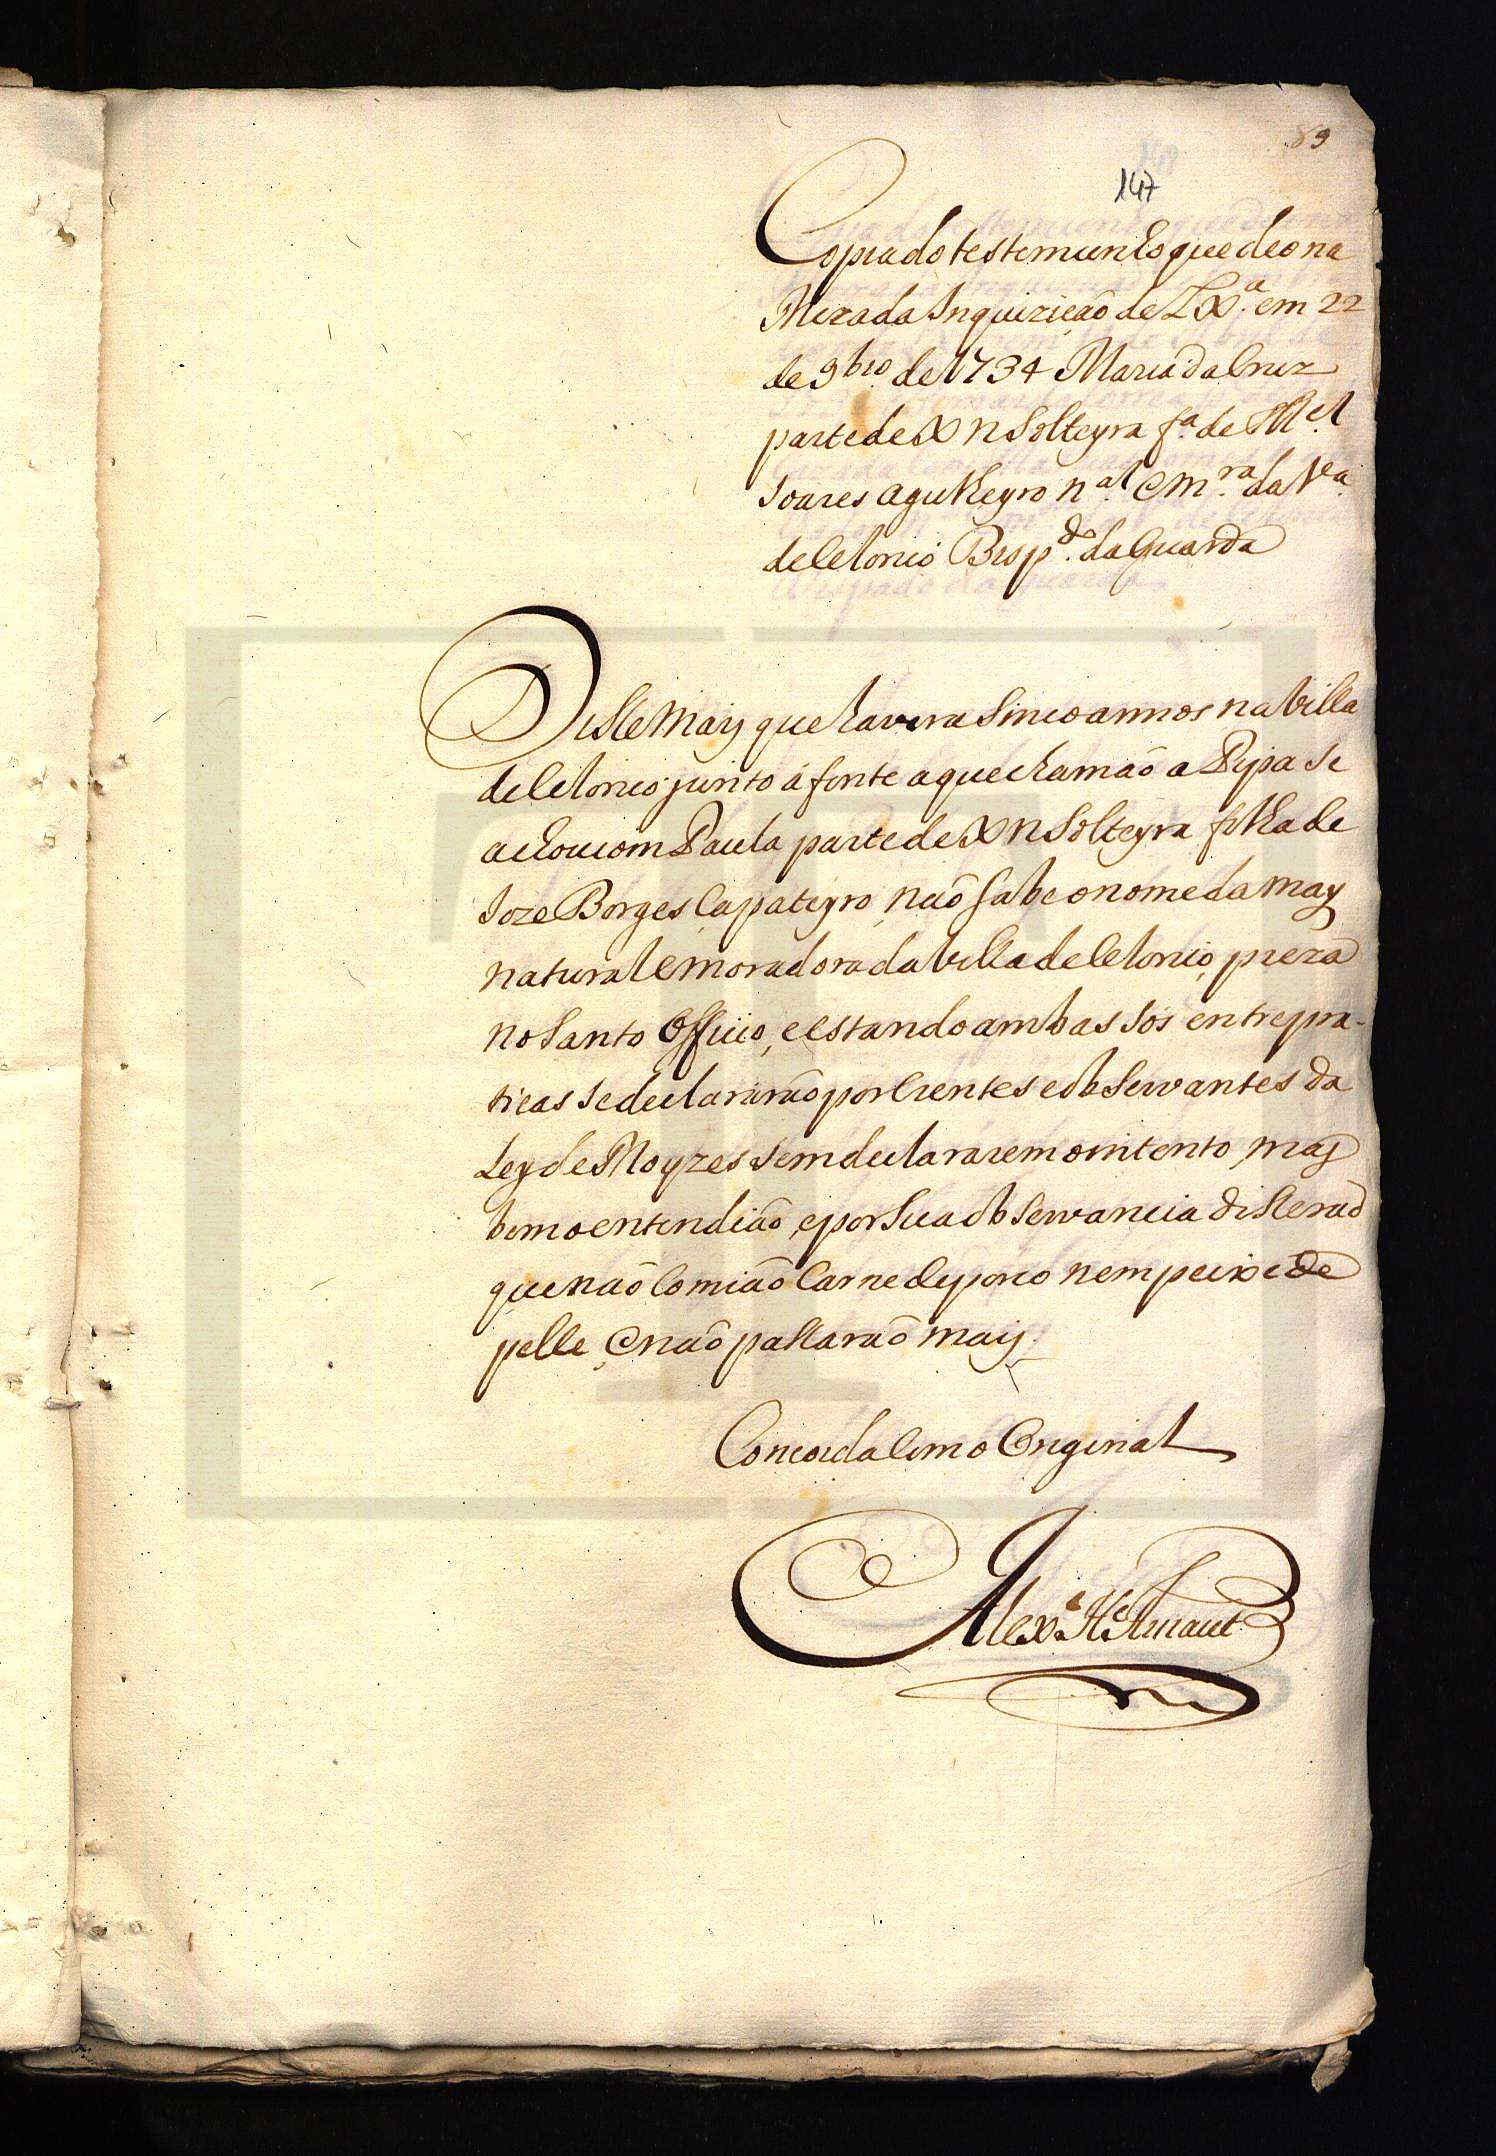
89
Copia do testemunho que deo na
Meza da Inquiziçaõ de Lx.a em 22
de 9bro. de 1734 Maria da Cruz
parte de x n Solteyra f.a de M.el
soares agulheyro n.al e m.ra da V.a
de Celorico Bisp.do da Guarda
Disse mais que havera sinco annos na Villa
de Celorico junto á fonte a que chamaõ a Pipa se
achou com Paula parte de xn Solteyra filha de
Ioze Borges Çapateyro, naõ sabe o nome da may
natural e moradora da villa de Celorico, preza
no Santo officio, e estando ambas sós entre pra
ticas se declararão por crentes e observantes da
Ley de Moyzes sem declararem o intento mas
bem o entendiaõ, e por Sua observancia disseraõ
que naõ comião carne de porco nem peixe de
pelle, e naõ passaraõ mais
Concorda Com o OriginaL
Alex.e He Arnout.
